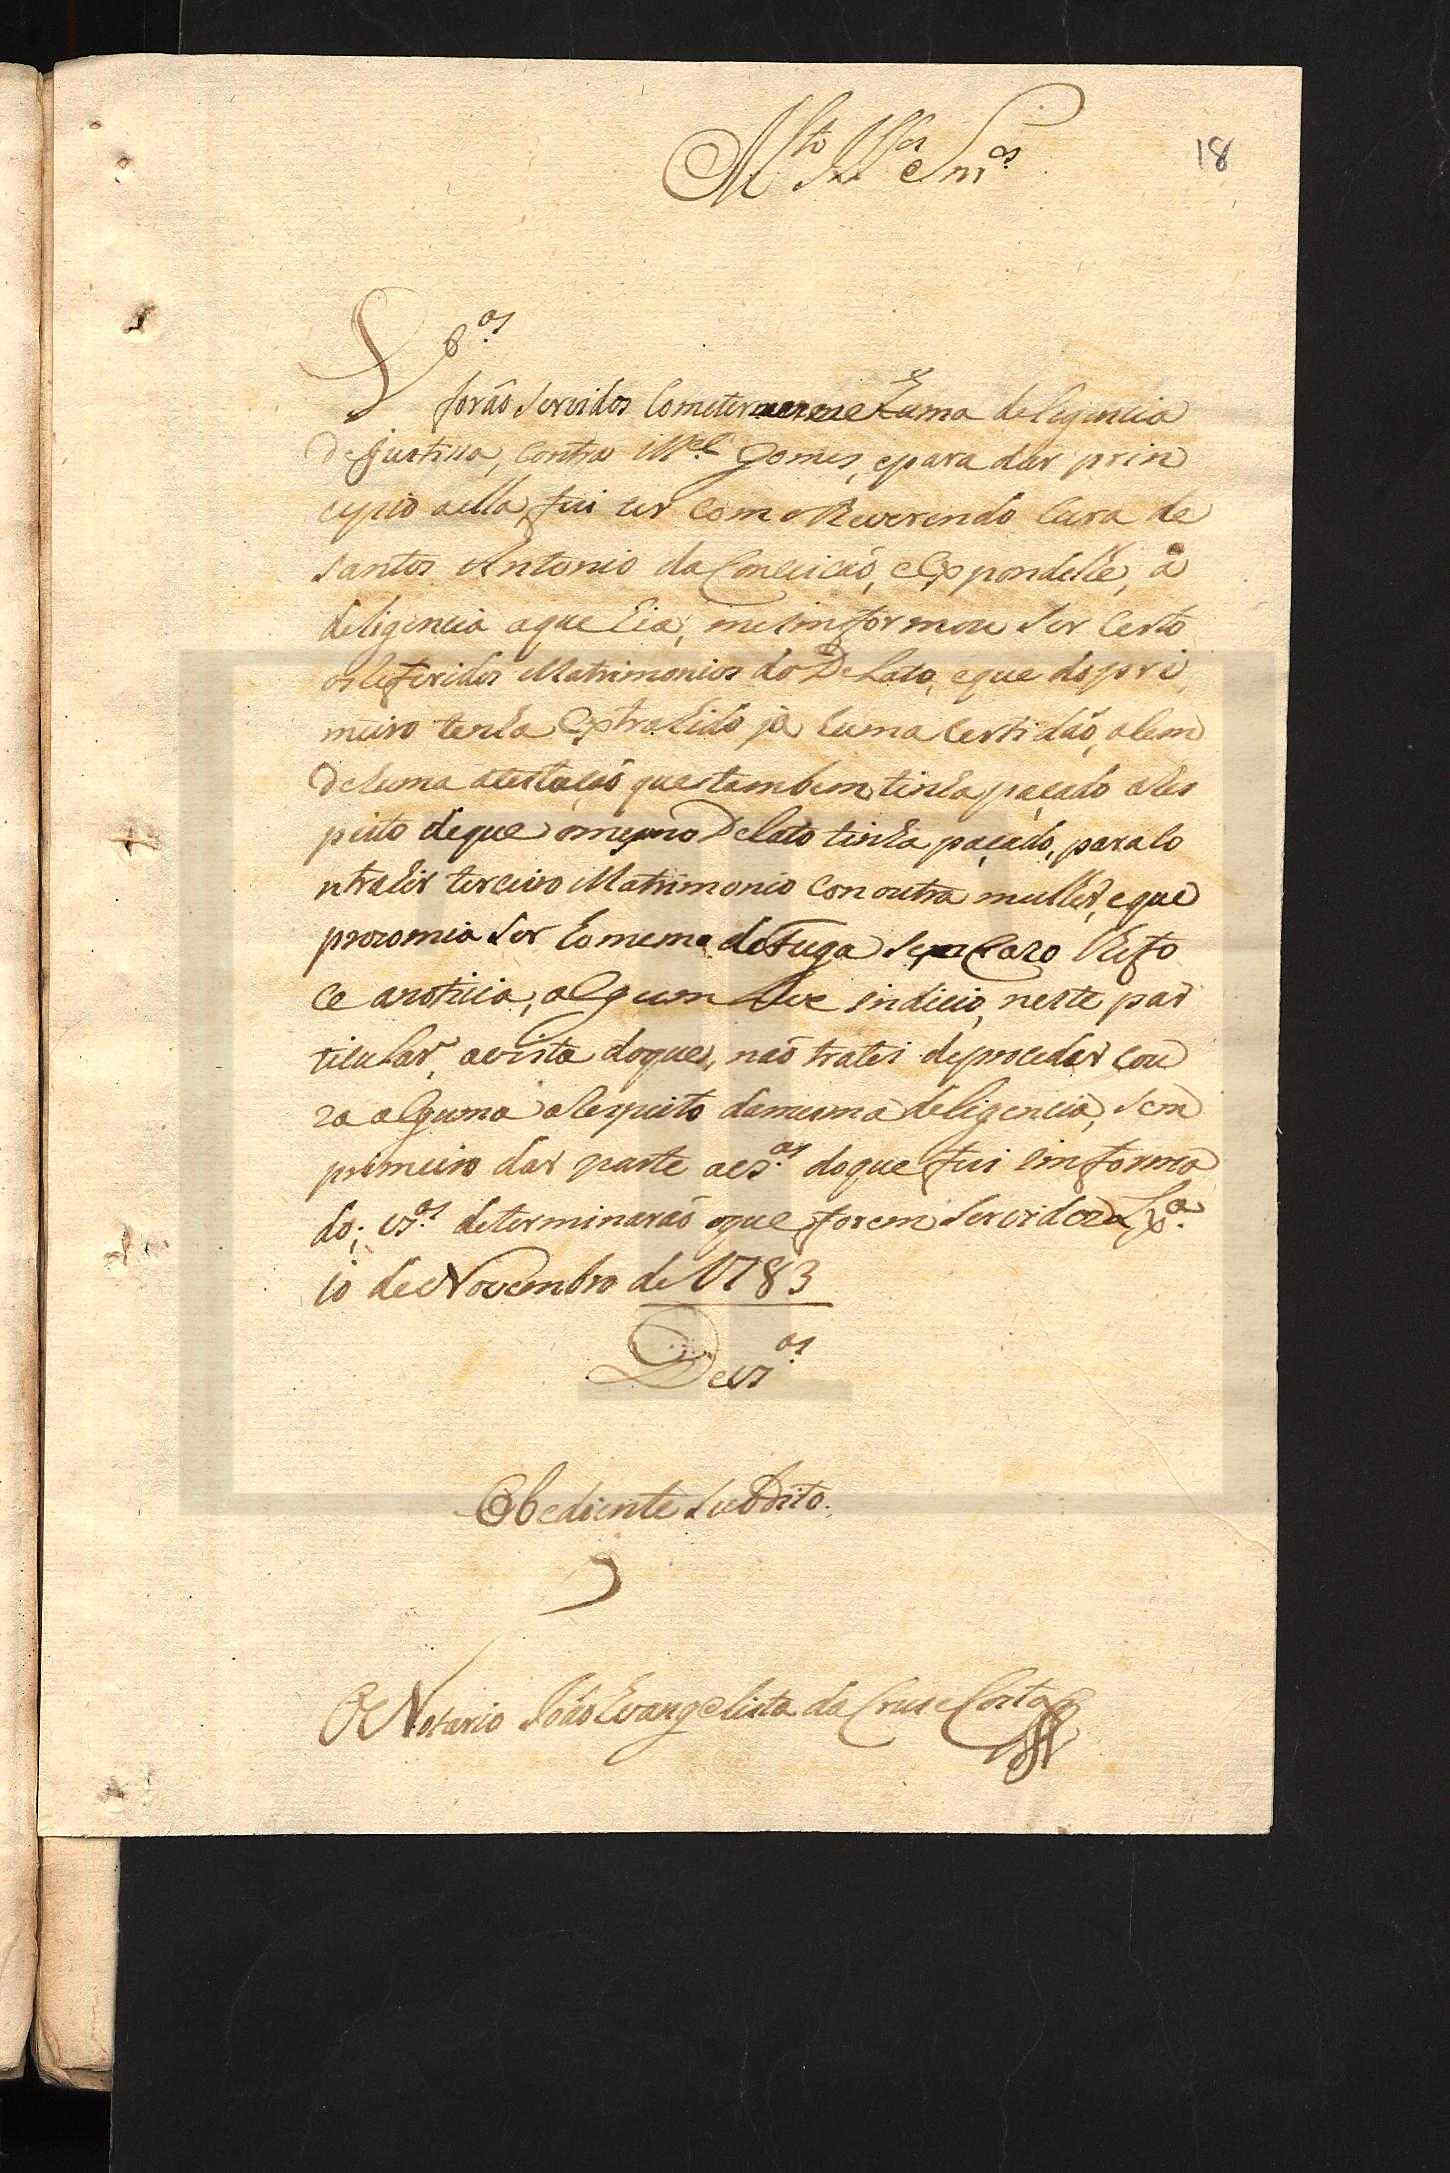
M.to Ill.es Snr.es
V.os foraõ servidos cometer_ huma deligencia
de justissa, contra M.el Gomes, e para dar prin
cipio a ella, fui ter com o Reverendo Cura de
santos Antonio da Conceiaõ, e expondelhe, a
deligencia a que hia; me imformou ser certo
os referidos matrimonios do Delato, e que do pri
meiro tenha extrahido jà huma certidaõ, alem
de huma atestaçaõ que tambem tinha paçado a res
peito de que o mesmo delato tinha paçado, para co
ntrahir terceiro matrimonio con outra mulher, e que
prezomia ser homem de Fuga se por Cazo lhe fo
ce a noticia, algum leve indicio, neste par
ticular, a vista do que, naõ tratei de proceder cou
za alguma a respeito da mesma deligencia, sem
primeiro dar parte a v s.as do que fui imforma
do; v s.as determinaraõ o que forem servidoz Lx.a
10 de Novembro de 1783
as
De v s.as
Obediente subdito
O Notario Ioão Evangelista da Crus e Costa
